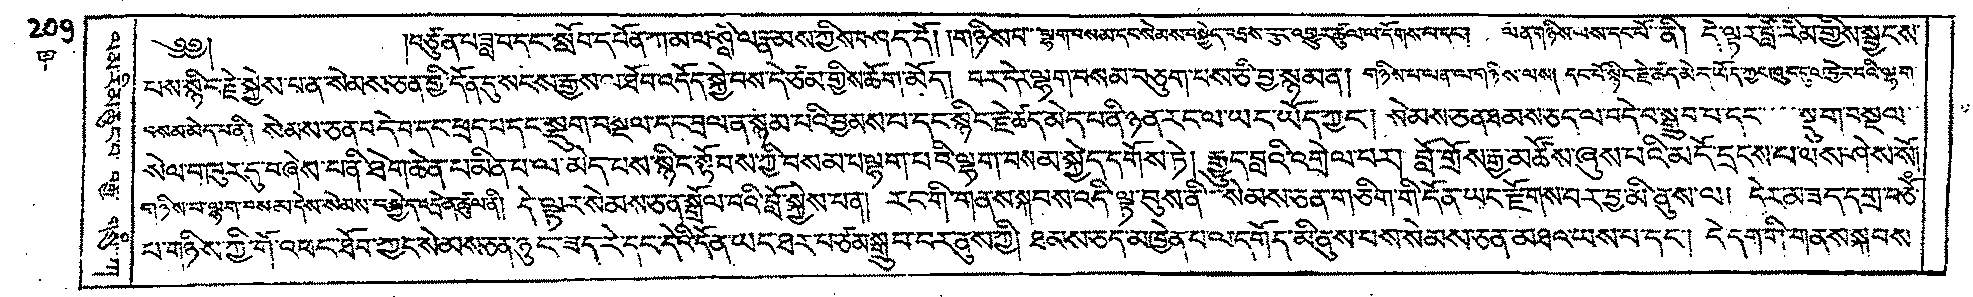༄༅། །བཙུན་པ་ཟླ་བ་དང་སློབ་དཔོན་ཀ་མ་ལ་ཤཱི་ལ་རྣམས་ཀྱིས་བཤད་དོ། །གཉིས་པལྷག་བསམ་དང་སེམས་བསྐྱེད་འབྲས་བུར་འགྱུར་ཚུལ་ལ་དོགས་པ་དང་། ལན་གཉིས་ལས་དང་པོནི། དེ་ལྟར་བློ་རིམ་གྱིས་སྦྱངས་
པས་སྙིང་རྗེ་སྐྱེས་པ་ན་སེམས་ཅན་གྱི་དོན་དུ་སངས་རྒྱས་ལ་ཐོབ་འདོད་སྐྱེ་བས་དེ་ཙམ་གྱིས་ཆོག་མོད། བར་དེར་ལྷག་བསམ་བཅུག་པས་ཅི་བྱ་སྙམ་ན། གཉིས་པ་ལན་ལ་གཉིས་ལས། དང་པོ་སྙིང་རྗེ་ཚད་མེད་ཡོད་ཀྱང་ཁུང་དུ་འཁྱེར་བའི་ལྷག་
བསམ་མེད་པ་ནི། སེམས་ཅན་བདེ་བ་དང་ཕྲད་པ་དང་སྡུག་བསྔལ་དང་བྲལ་ན་སྙམ་པའི་བྱམས་པ་དང་སྙིང་རྗེ་ཚད་མེད་པ་ནི་ཉན་རང་ལ་ཡང་ཡོད་ཀྱང་། སེམས་ཅན་ཐམས་ཅད་ལ་བདེ་བ་སྒྲུབ་པ་དངྶྡུག་བསྔལ་
སེལ་བ་ཁུར་དུ་བཞེས་པ་ནི་ཐེག་ཆེན་པ་མིན་པ་ལ་མེད་པས་སྙིང་སྟོབས་ཀྱི་བསམ་པ་ལྷག་པའི་ལྷག་བསམ་སྐྱེད་དགོས་ཏེ། རྒྱུད་བླའི་འགྲེལ་པར། བློ་གྲོས་རྒྱ་མཚོས་ཞུས་པའི་མདོ་དྲངས་པ་ལས་ཤེས་སོ།
གཉིས་པ་ལྷག་བསམ་དེས་སེམས་བསྐྱེད་འདྲེན་ཚུལ་ནི།  དེ་ལྟར་སེམས་ཅན་སྒྲོལ་བའི་བློ་སྐྱེས་པ་ན། རང་གི་གནས་སྐབས་འདི་ལྟ་བུས་ནིསེམས་ཅན་གཅིག་གི་དོན་ཡང་རྫོགས་པར་བྱ་མི་ནུས་ལ། དེར་མ་ཟད་དགྲ་བཅོཾ་
པ་གཉིས་ཀྱི་གོ་འཕང་ཐོབ་ཀྱང་སེམས་ཅན་ཉུང་ཟད་རེ་དང་དེའི་དོན་ཡང་ཐར་པ་ཙམ་སྒྲུབ་པར་ནུས་ཀྱི། ཐམས་ཅད་མཁྱེན་པ་ལ་དགོད་མི་ནུས་པས་སེམས་ཅན་མཐའ་ཡས་པ་དང་། དེ་དག་གི་གནས་སྐབས་